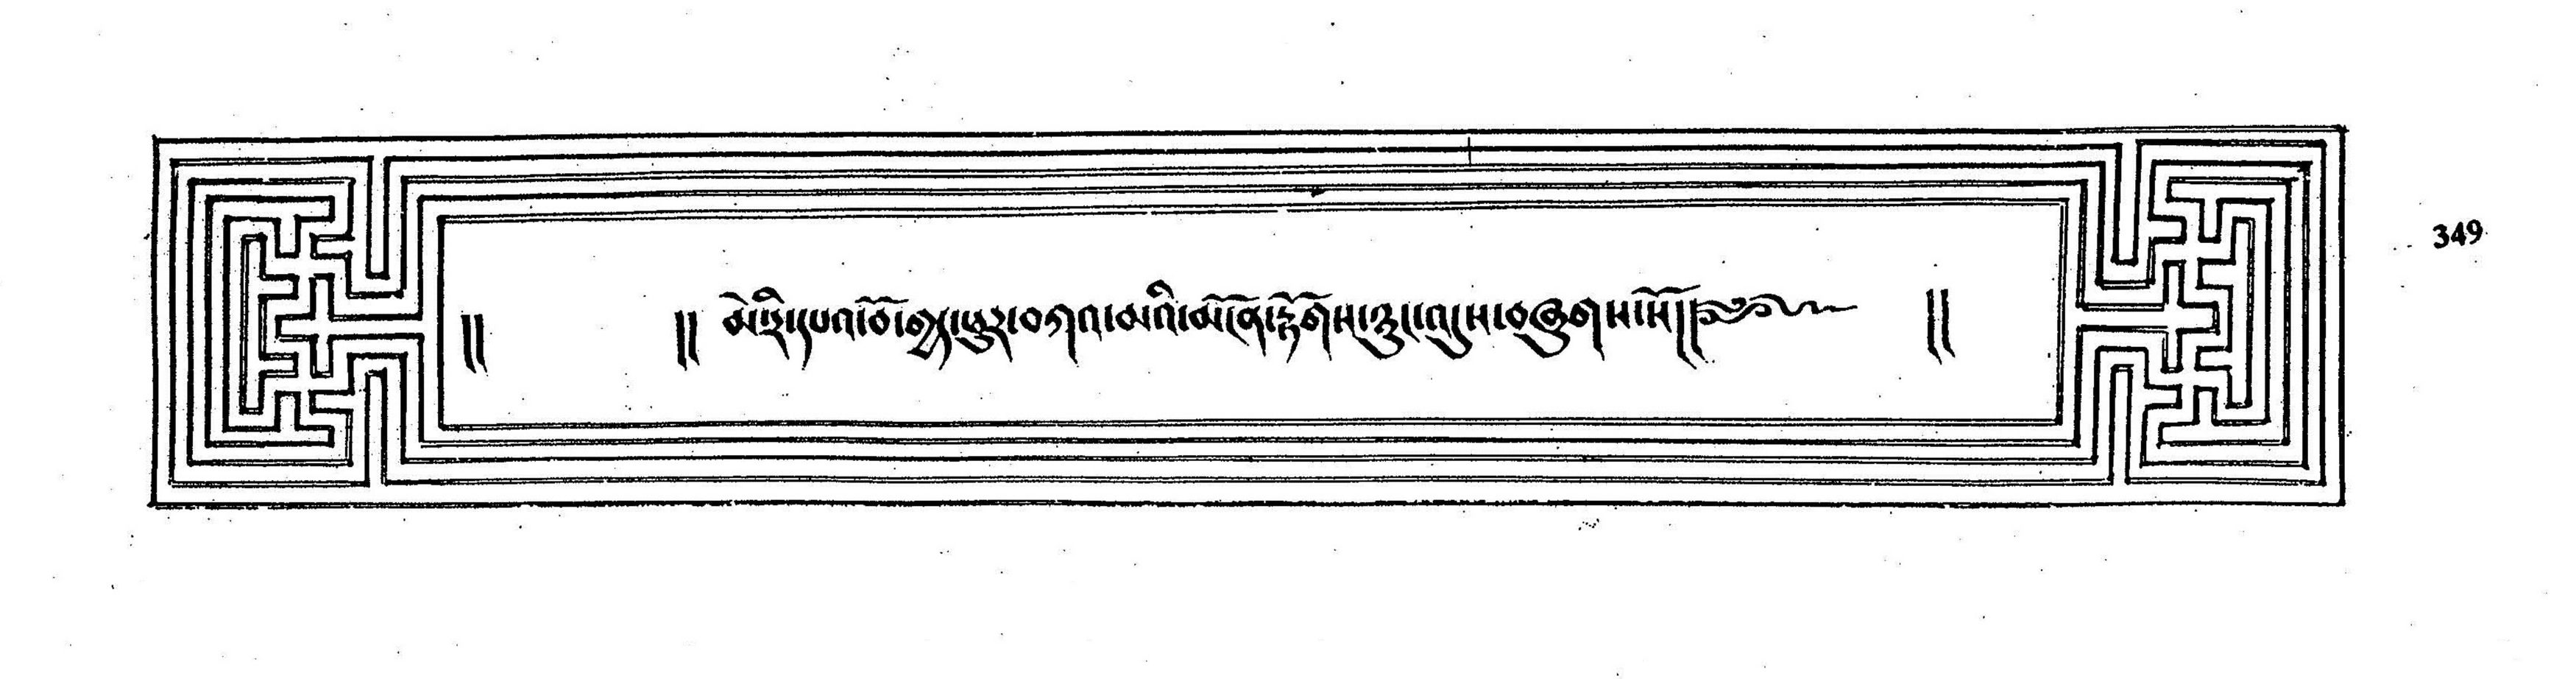{359}།། མེ་རི་དཔའ་བོ་གྱད་ཕུར་བཀའ་མའི་མངོན་རྟོགས་ཉུང་འདུས་བཞུགས་སོ།།